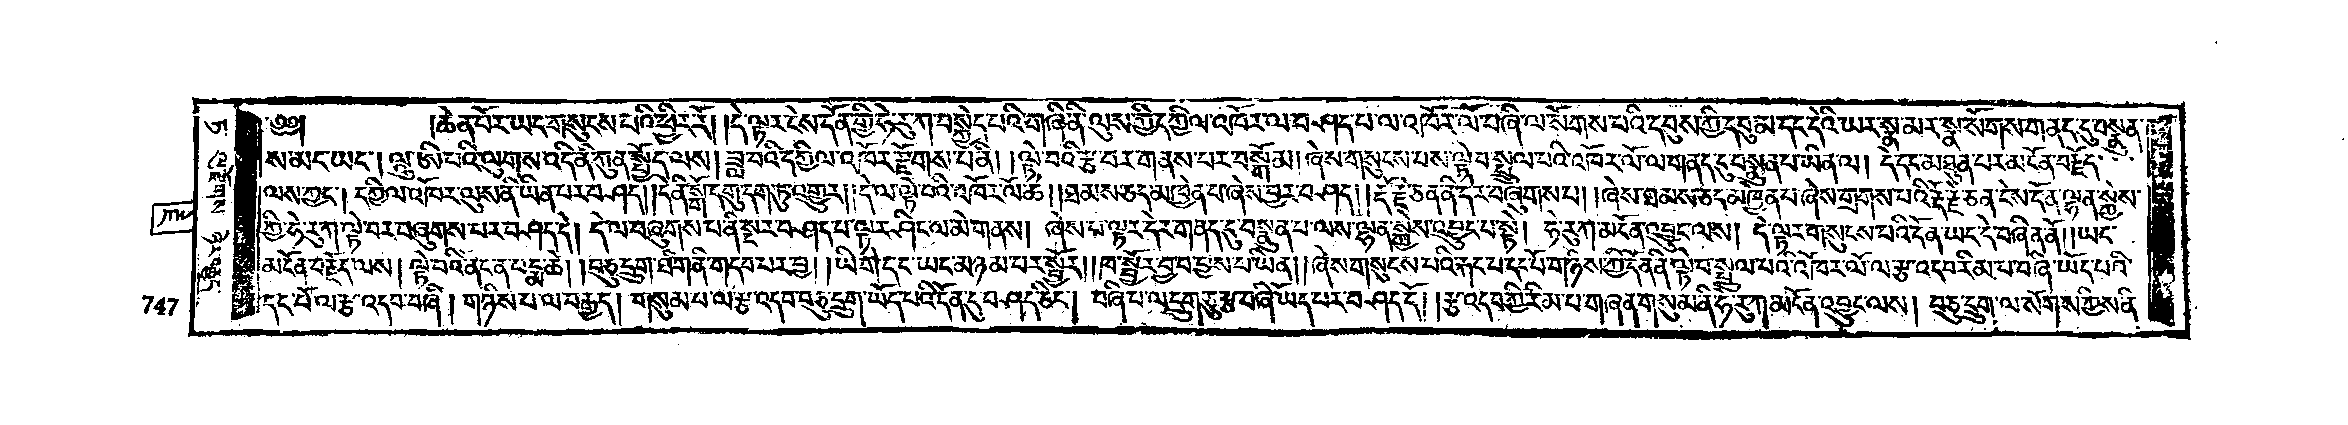༄༅། །ཆེན་པོར་ཡང་གསུངས་པའི་ཕྱིར་རོ། །དེ་ལྟར་ངེས་དོན་གྱི་ཧེ་རུ་ཀ་བསྐྱེད་པའི་གཞི་ནི་ལུས་ཀྱི་དཀྱིལ་འཁོར་ལ་བཤད་པ་ལ་འཁོར་ལོ་བཞི་ལ་སོགས་པའི་དབུས་ཀྱི་དབུ་མ་དང་དེའི་ཡར་སྣ་མར་སྣ་སོགས་གནད་དུ་བསྣུན་
ས་མང་ཡང་། ལཱུ་ཨི་པའི་ལུགས་འདི་ནི་ཀུན་སྤྱོད་ལས། ཟླ་བའི་དཀྱིལ་འཁོར་རྫོགས་པ་ནི། །ལྟེ་བའི་རྩ་བར་གནས་པར་བསྒོམ། ཞེས་གསུངས་པས་ལྟེ་བ་སྤྲུལ་པའི་འཁོར་ལོ་ལ་གནད་དུ་བསྣུན་པ་ཡིན་ལ། དེ་དང་མཐུན་པར་མངོན་བརྗོད་
ལས་ཀྱང་། དཀྱིལ་འཁོར་ལུས་ནི་ཡིན་པར་བཤད། །དེ་ནི་སྒོ་དགུ་དག་ཏུ་འགྱུར། །དེ་ལ་ལྟེ་བའི་འཁོར་ལོ་ཆེ། །ཐམས་ཅད་མཁྱེན་པ་ཞེས་བྱར་བཤད། །རྡོ་རྗེ་ཅན་ནི་དེར་བཞུགས་པ། །ཞེས་ཐམས་ཅད་མཁྱེན་པ་ཞེས་གྲགས་པའི་རྡོ་རྗེ་ཅན་ངེས་དོན་ལྷན་སྐྱེས་
ཀྱི་ཧེ་རུ་ཀ་ལྟེ་བར་བཞུགས་པར་བཤད་དེ། དེ་ལ་བཞུགས་པ་ནི་སྔར་བཤད་པ་ལྟར་ཤིང་ལ་མེ་གནས། ཞེས་པ་ལྟར་དེར་གནད་དུ་བསྣུན་པ་ལས་ལྷན་སྐྱེས་འབྱུང་པ་སྟེ། ཧེ་རུ་ཀ་མངོན་འབྱུང་ལས། དེ་ལྟར་གསུངས་པའི་དོན་ཡང་དེ་བཞིན་ནོ། །ཡང་
མངོན་བརྗོད་ལས། ལྟེ་བའི་ནང་ན་པདམ་ཆེ། །བཅུ་དྲུག་ཐིག་ནི་གདབ་པར་བྱ། །ཡི་གེ་དང་ཡང་མཉམ་པར་སྦྱོར། །ཁ་སྦྱོར་བྱ་བ་བྱས་པ་ཡིན། །ཞེས་གསུངས་པའི་རྐང་པ་དང་པོ་གཉིས་ཀྱི་དོན་ནི་ལྟེ་བ་སྤྲུལ་པའི་འཁོར་ལོ་ལ་རྩ་འདབ་རིམ་པ་བཞི་ཡོད་པའི་
དང་པོ་ལ་རྩ་འདབ་བཞི། གཉིས་པ་ལ་བརྒྱད། གསུམ་པ་ལ་རྩ་འདབ་བཅུ་དྲུག་ཡོད་པའི་དོན་དུ་བཤད་ཅིང་། བཞི་པ་ལ་དྲུག་ཅུ་རྩ་བཞི་ཡོད་པར་བཤད་དོ། །རྩ་འདབ་ཀྱི་རིམ་པ་གཞན་གསུམ་ནི་ཧེ་རུ་ཀ་མངོན་འབྱུང་ལས། བཅུ་དྲུག་ལ་སོགས་ཀྱིས་ནི་